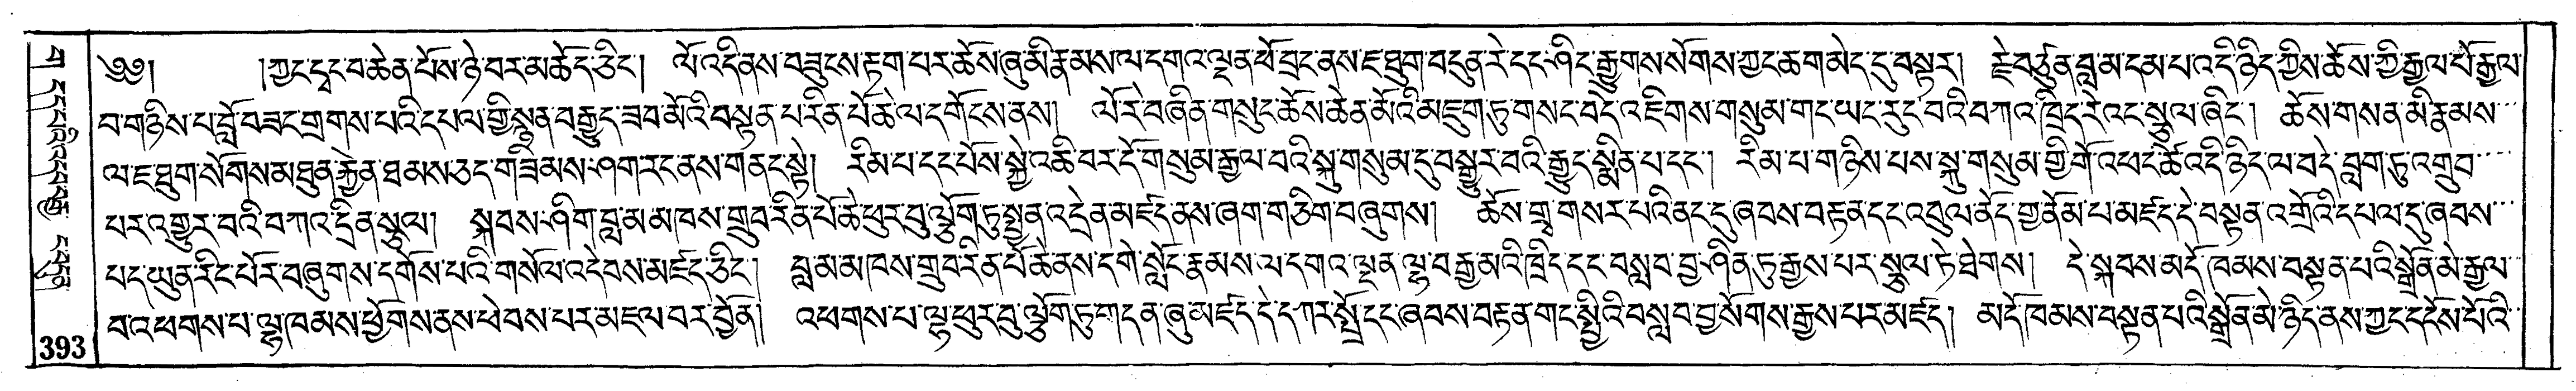༄༅། །ཀྱང་དྭང་བ་ཆེན་པོས་ཉེ་བར་མཆོད་ཅིང་། ལོ་འདི་ནས་བཟུངས་རྟག་པར་ཆོས་ཞུ་མི་རྣམས་ལ་དགའ་ལྡན་ཕོ་བྲང་ནས་ཇ་ཐུག་བདུན་རེ་དང་ཤིང་རྒྱུགས་སོགས་ཀྱང་ཆག་མེད་དུ་བསྟར། རྗེ་བཙུན་བླ་མ་དམ་པ་འདི་ཉིད་ཀྱིས་ཆོས་ཀྱི་རྒྱལ་པོ་རྒྱལ་
པོ་གཉིས་པ་བློ་བཟང་གྲགས་པའི་དཔལ་གྱི་སྙན་བརྒྱུད་ཟབ་མོའི་བསྟན་པ་རིན་པོ་ཆེ་ལ་དགོངས་ནས། ལོ་རེ་བཞིན་གསུང་ཆོས་ཆེན་མོའི་མཇུག་ཏུ་གསང་བདེ་འཇིགས་གསུམ་གང་ཡང་རུང་བའི་བཀའ་ཁྲིད་རེའང་སྩལ་ཞིང་། ཆོས་གསན་མི་རྣམས་
ལ་ཇ་ཐུག་སོགས་མཐུན་རྐྱེན་ཐམས་ཅད་གཟིམས་ཤག་རང་ནས་གནང་སྟེ། རིམ་པ་དང་པོས་སྐྱེ་འཆི་བར་དོ་གསུམ་རྒྱལ་བའི་སྐུ་གསུམ་དུ་བསྒྱུར་བའི་རྒྱུད་སྨིན་པ་དང་། རིམ་པ་གཉིས་པས་སྐུ་གསུམ་གྱི་གོ་འཕང་ཚེ་འདི་ཉིད་ལ་བདེ་བླག་ཏུ་འགྲུབ་
པར་འགྱུར་བའི་བཀའ་དྲིན་སྩལ། སྐབས་ཤིག་བླ་མ་མཁས་གྲུབ་རིན་པོ་ཆེ་ཕུར་བུ་ལྕོག་ཏུ་སྤྱན་འདྲེན་མཛད་ནས་ཞག་གཅིག་བཞུགས། ཆོས་གྲྭ་གསར་པའི་ནང་དུ་ཞབས་བརྟན་དང་འབུལ་ནོད་གྱ་ནོམ་པ་མཛད་དེ་བསྟན་འགྲོའི་དཔལ་དུ་ཞབས་
པད་ཡུན་རིང་པོར་བཞུགས་དགོས་པའི་གསོལ་འདེབས་མཛད་ཅིང་། བླ་མ་མཁས་གྲུབ་རིན་པོ་ཆེ་ནས་དགེ་སློད་རྣམས་ལ་དགའ་ལྡན་ལྷ་བརྒྱ་མའི་ཁྲིད་དང་བསླབ་བྱ་ཤིན་ཏུ་རྒྱས་པར་སྩལ་ཏེ་ཐེགས། དེ་སྐབས་མདོ་ཁམས་བསྟན་པའི་སྒྲོན་མེ་རྒྱལ་
བ་འཕགས་པ་ལྷ་ཁམས་ཕྱོགས་ནས་ཕེབས་པར་མཇལ་བར་བྱོན། འཕགས་པ་ལྷ་ཕུར་བུ་ལྕོག་ཏུ་གང་ན་ཞུ་མཛད་དེ་དཀར་སྤྲོ་དང་ཞབས་བརྟན་གང་སྦྱིའི་བསླབ་བྱ་སོགས་རྒྱས་པར་མཛད། མདོ་ཁམས་བསྟན་པའི་སྒྲོན་མེ་ཉིད་ནས་ཀྱང་དངོས་པོའི་